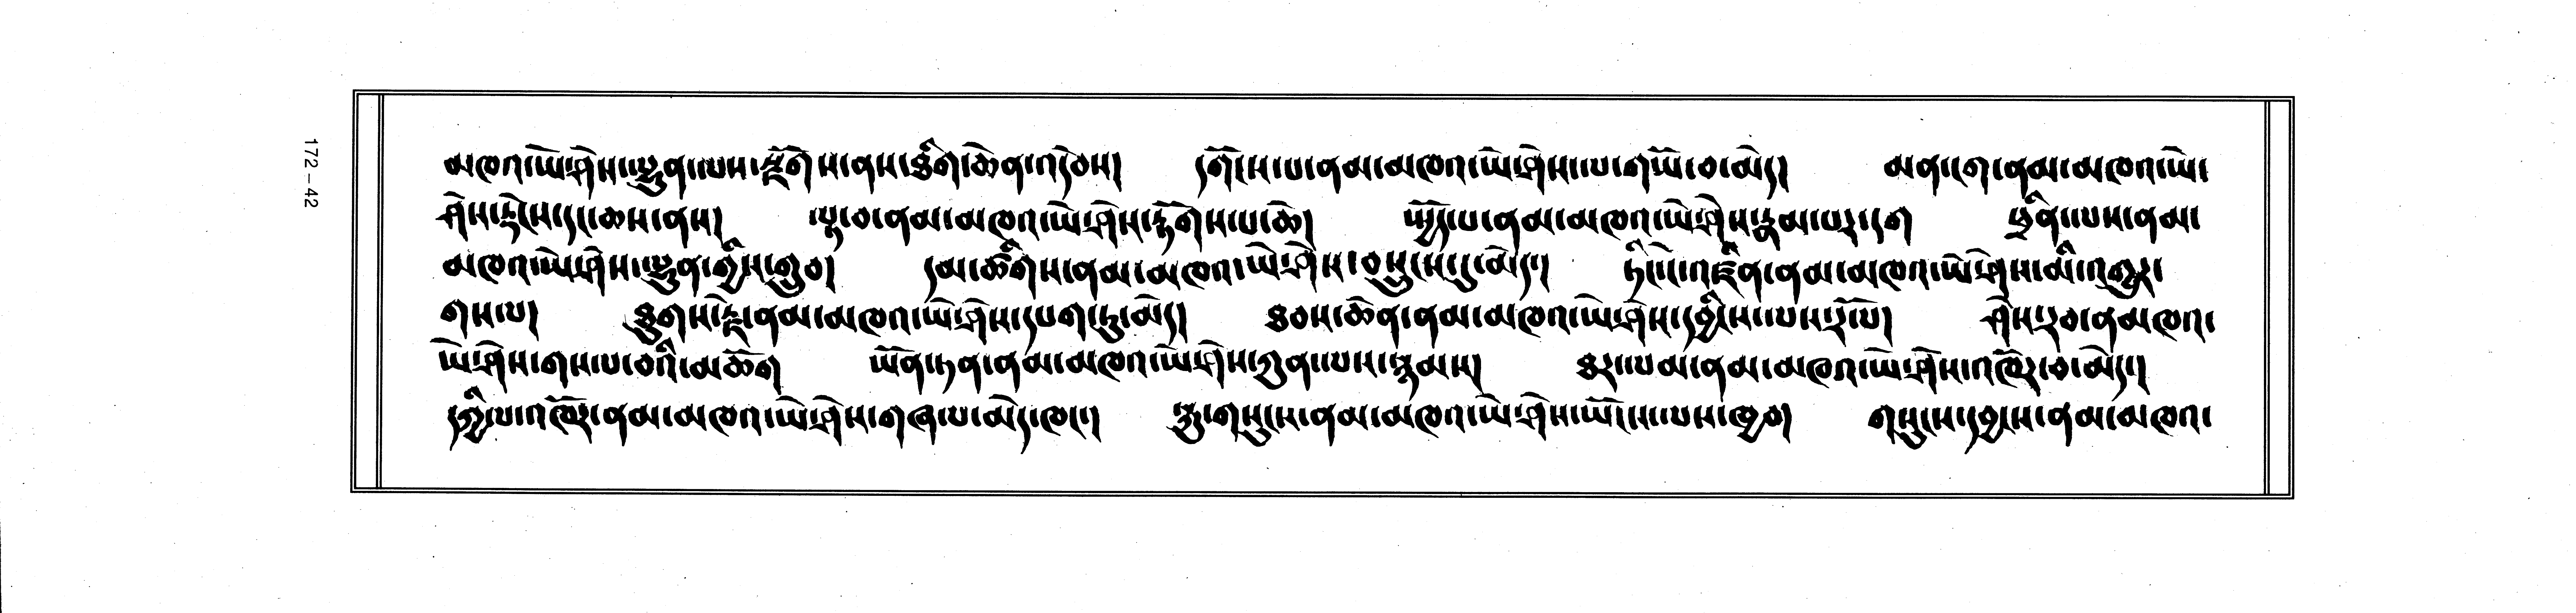མཁའ་ཡེ་ཤེས་ལྷུན་ལས་རྫོགས་ནས་ཐིག་ཆེན་འདེབས། དགོངས་པ་ནམ་མཁའ་ཡེ་ཤེས་ལ་གཡོ་བ་མེད། མན་ངག་ནམ་མཁའ་ཡེ་
ཤེས་རྡེངས་དང་ཆས་ནས། ལྟ་བ་ནམ་མཁའ་ཡེ་ཤེས་རྟོགས་པ་ཆེ། སྤྱོད་པ་ནམ་མཁའ་ཡེ་ཤེས་རྣམ་པར་དག ཕྲིན་ལས་ནམ་
མཁའ་ཡེ་ཤེས་ལྷུན་གྱིས་གྲུབ། དམ་ཚིག་ནམ་མཁའ་ཡེ་ཤེས་བསྲུང་དུ་མེད། ཏིང་འཛིན་ནམ་མཁའ་ཡེ་ཤེས་མི་འགྱུར་
གསལ། ཐུགས་རྗེ་ནམ་མཁའ་ཡེ་ཤེས་དཔག་ཏུ་མེད། ཐབས་ཆེན་ནམ་མཁའ་ཡེ་ཤེས་དབྱིངས་ལས་རོལ། ཤེས་རབ་ནམ་མཁའ་
ཡེ་ཤེས་གསལ་བའི་མཆོག ཡོན་ཏན་ནམ་མཁའ་ཡེ་ཤེས་ཀུན་ལས་སྙམས། ཐར་ལམ་ནམ་མཁའ་ཡེ་ཤེས་འཁོར་བ་མེད། 
དཀྱིལ་འཁོར་ནམ་མཁའ་ཡེ་ཤེས་གཞལ་མེད་ཁང་། སྐུ་གསུངས་ནམ་མཁའ་ཡེ་ཤེས་ཡོངས་ལས་ཁྱབ། གསུངས་དབྱངས་ནམ་མཁའ་